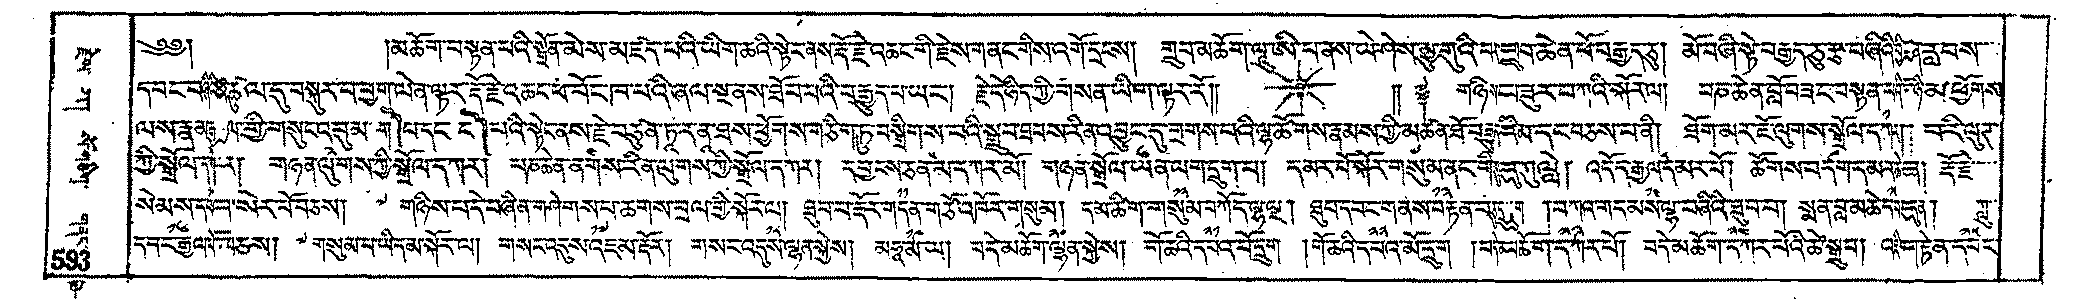༄༅། །མཆོག་བསྟན་པའི་སྒྲོན་མེས་མཛད་པའི་ཡིག་ཆའི་སྟེང་ནས་རྡོ་རྗེ་འཆང་གི་རྗེས་གནང་གིས་འགོ་དྲངས། གྲུབ་མཆོག་ལཱུ་ཨི་པ་ནས་ཡེ་ཤེས་མྱུ་གུའི་བར་གྲུབ་ཆེན་ཕོ་བརྒྱད་ཅུ། མོ་བཞི་སྟེ་བརྒྱད་ཅུ་རྩ་བཞིའི་བྱིན་རླབས་
དབང་བཞིའི་ཚུལ་དུ་བསྐུར་བ་ཕྱག་ལེན་ལྟར་རྡོ་རྗེ་འཆང་ཕ་བོང་ཁ་པའི་ཞལ་སྔ་ནས་ཐོབ་པའི་བརྒྱུད་པ་ཡང་། རྗེ་དེ་ཉིད་ཀྱི་གསན་ཡིག་ལྟར་རོ།། །། འ་གཉིས་པ་ཟུར་བཀའི་སྐོར་ལ། པཎ་ཆེན་བློ་བཟང་བསྟན་པའི་ཉི་མ་ཕྱོགས་
ལས་རྣམ་རྒྱལ་གྱི་གསུང་འབུམ་ག}་པ་དང་ང}་པའི་སྟེང་ནས་རྗེ་བཙུན་ཏཱ་ར་ནཱ་ཐས་ཕྱོགས་གཅིག་ཏུ་བསྒྲིབས་པའི་སྒྲུབ་ཐབས་རིན་འབྱུང་དུ་གྲགས་པའི་ལྷ་ཚོགས་རྣམས་ཀྱི་མཚན་ཐོ་བརྒྱུད་རིམ་དང་བཅས་པ་ནི། ཐོག་མར་ཇོ་ལུགས་སྒྲོལ་དཀར། བ་རི་ལུཌ་
ཀྱི་སྒྲོལ་དཀར། གཉན་ལུགས་ཀྱི་སྒྲོལ་དཀར། པཎ་ཆེན་ནགས་རིན་ལུགས་ཀྱི་སྒྲོལ་དཀར། དབྱངས་ཅན་མ་དཀར་མོ། གཉན་སྒྲོལ་ཡན་ལག་དྲུག་པ། དམར་པོ་སྐོར་གསུམ་ནང་གི་ཀུ་རུ་ཀུལླེ། འདོད་རྒྱལ་དམར་པོ། ཚོགས་བདག་དམར་ཆེན། རྡོ་རྗེ་
སེམས་དཔའ་སེར་པོ་བཅས། ༧་གཉིས་པ་དེ་བཞིན་གཤེགས་པ་ཆགས་པྲལ་གྱི་སྐོར་ལ། ཐུབ་པ་རྡོར་གདན་གཙོ་འཁོར་གསུམ། དམ་ཚིག་གསུམ་བཀོད་ལྷ་ལྔ། ཐུབ་དབང་གནས་བརྟན་བཅུ་དྲུག །བཀའ་གདམས་ལྷ་བཞིའི་ཐུབ་པ། སྨན་བླ་མཆེད་བདུན། ཀླུ་
དབང་རྒྱལ་པོ་བཅས། ༧་གསུམ་པ་ཡི་དམ་སྐོར་ལ། གསང་འདུས་འཇམ་རྡོར། གསང་འདུས་ལྷན་སྐྱེས། མཧཱ་མ་ཡ། བདེ་མཆོག་ལྷན་སྐྱེས། གོ་ཆའི་དཔའ་བོ་དྲུག །གོ་ཆའི་དཔའ་མོ་དྲུག །བདེ་མཆོག་དཀར་པོ། བདེ་མཆོག་དཀར་པོའི་ཚེ་སྒྲུབ། འཇིག་རྟེན་དབང་